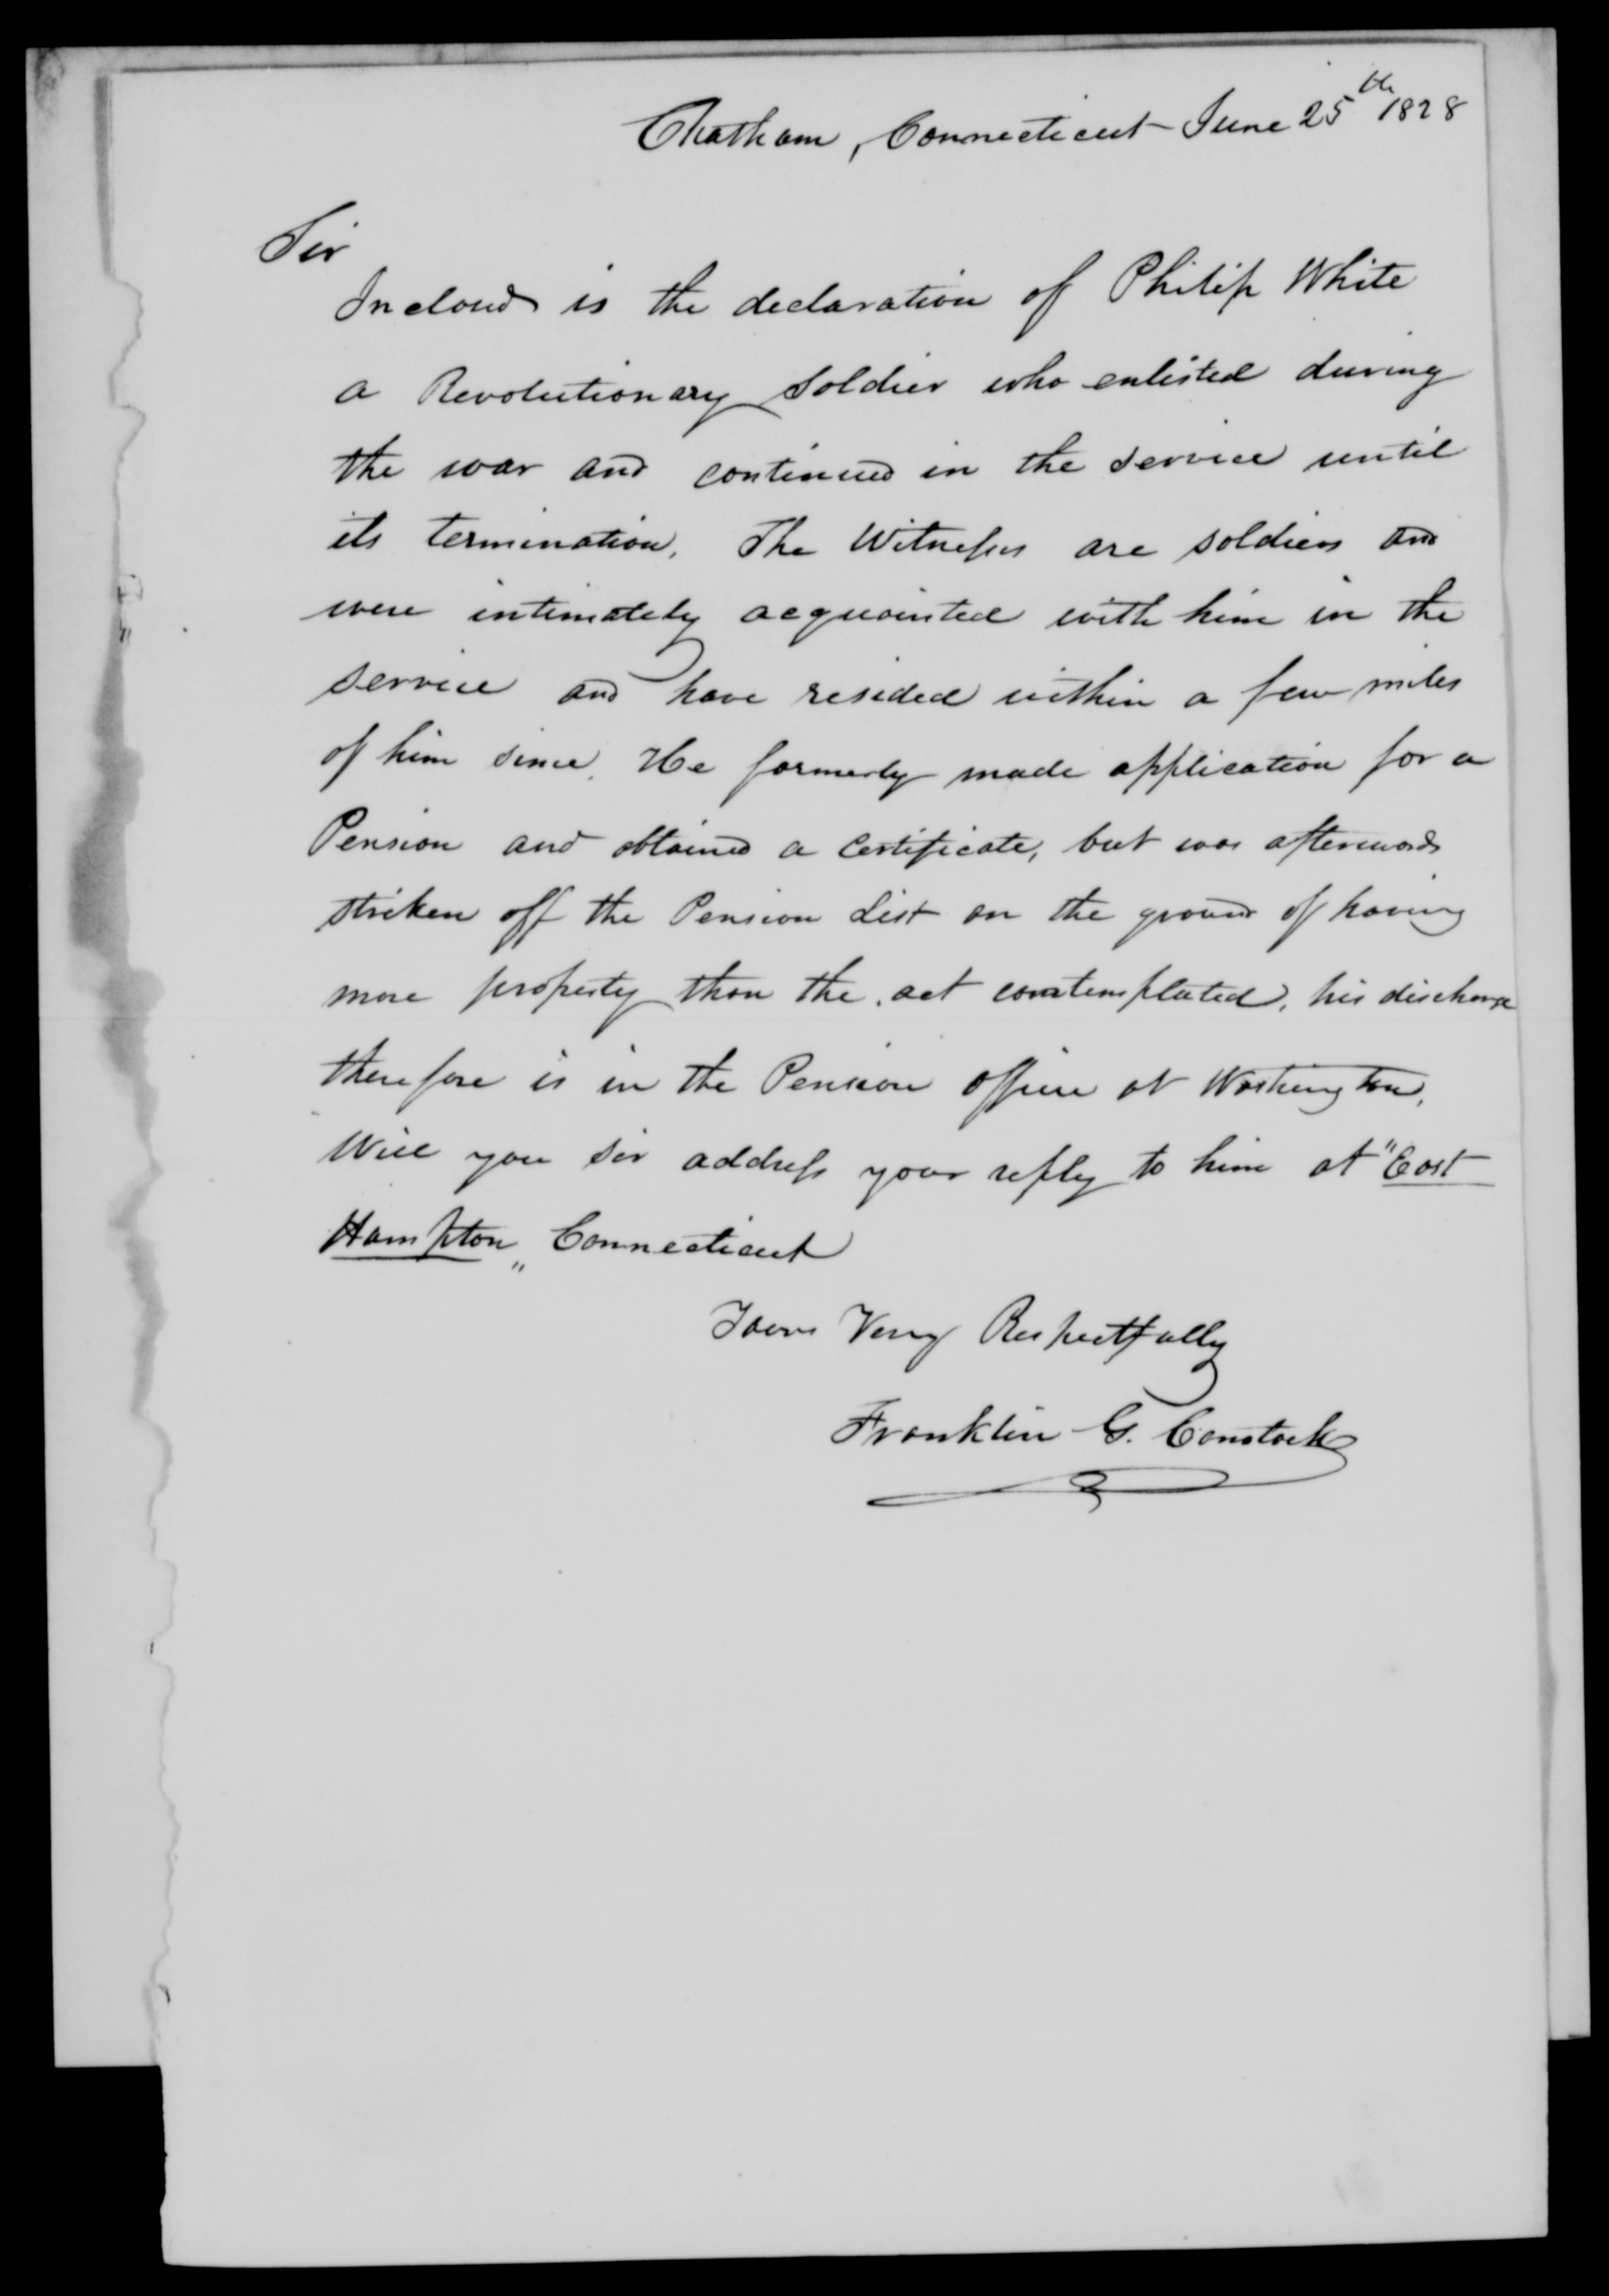Chatham, Connecticut June 25th 1828

Sir
Inclosed is the declaration of Philip White
a Revolutionary soldier who enlisted during the
war and continued in the service until
its termination. The Witnesses are soldiers and
were intimately acquainted with him in the
service and have resided within a few miles
of him since. He formerly made application for a
Pension and obtained a certificate, but was afterward
striken off the Pension list on the ground of having
more property than the act contemplated, his discharge
therefore is in the Pension office at Washington.
Will you sir address your reply to him at "East
Hampton" Connecticut
Very Respectfully
Franklin G. Constock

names: Franklin G Constock, Philip White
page: 50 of 50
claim: widow's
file: W. 25,969, Philip White, Conn.